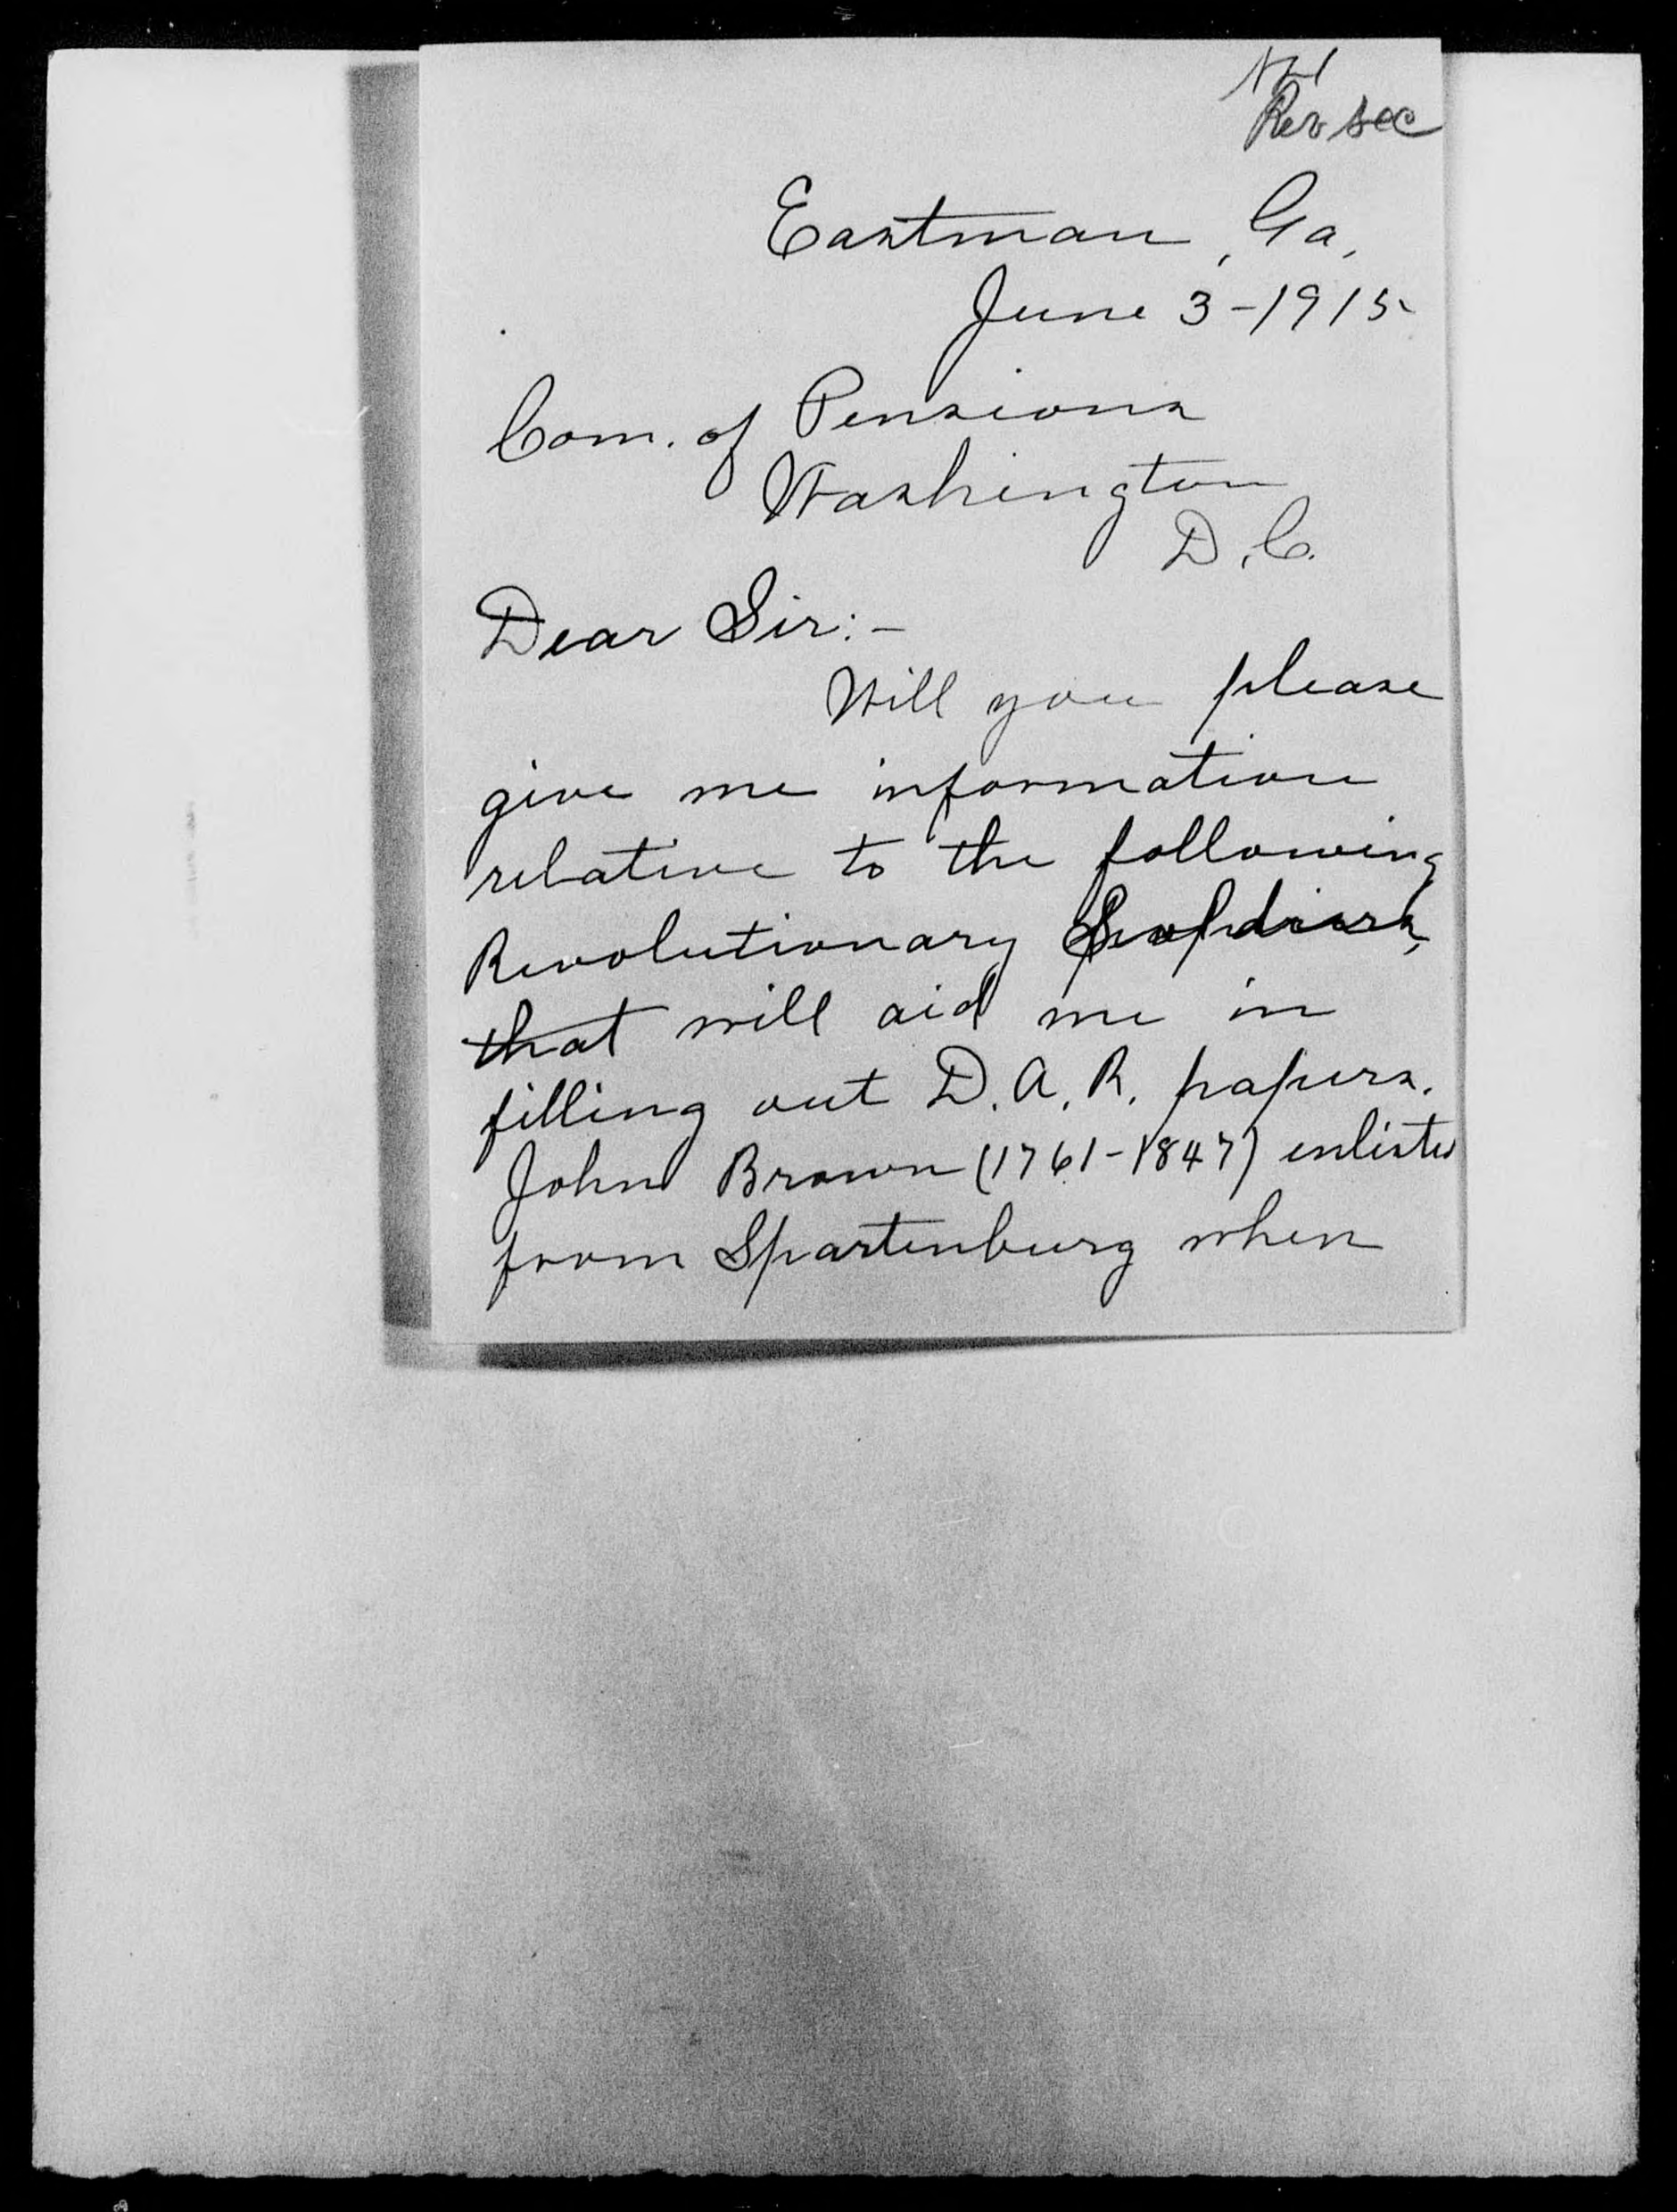Rev Sec nli
Eastman Ga
June 3 - 1915
Com. of Pensions
Washington D. C
Dear Sir:-
Will you please give me information
relative to the following
Revolutionary soldier that will aid me
in filling out D.A. R. papers.
John Brown (1761-1847) enlisted
from Spartanburg when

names: John Brown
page: 49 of 85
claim: widow's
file: W. 5,906, John Brown, S.C.